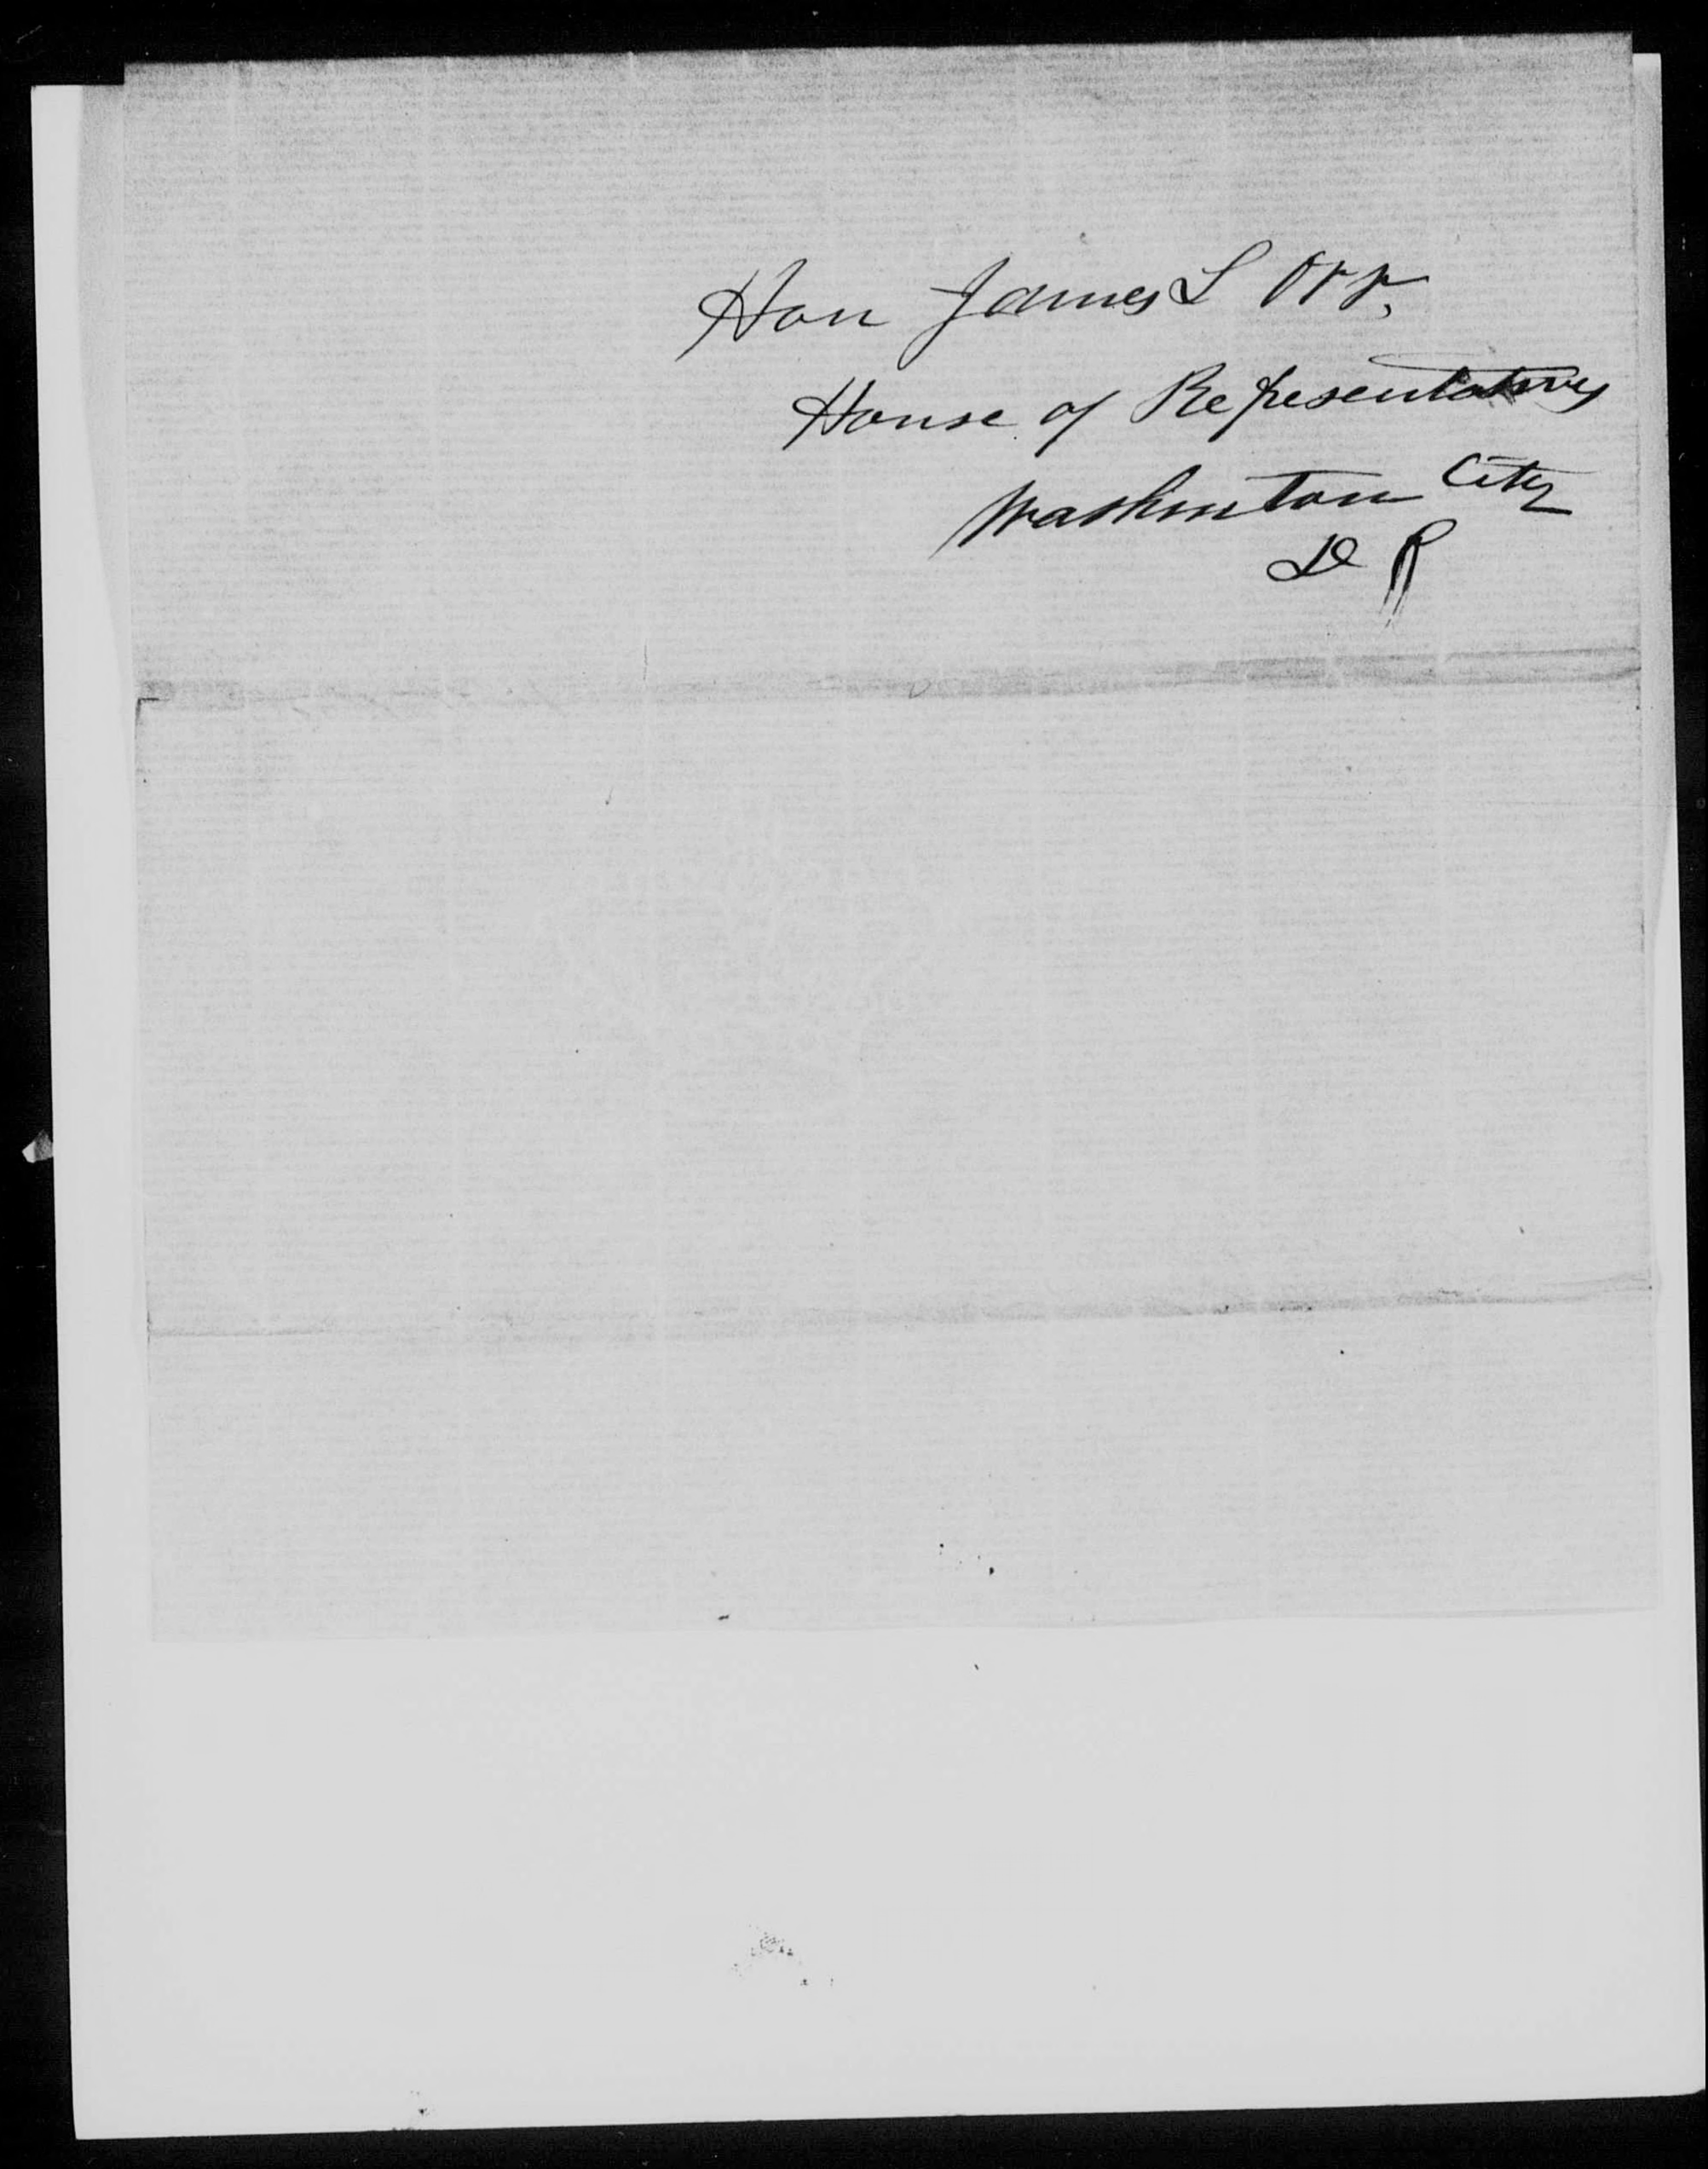Hon James L Orr,
House of Representatives
Washington City 
D C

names: James L Orr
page: 47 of 51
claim: widow's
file: W. 9700, Denney Anderson, S.C.